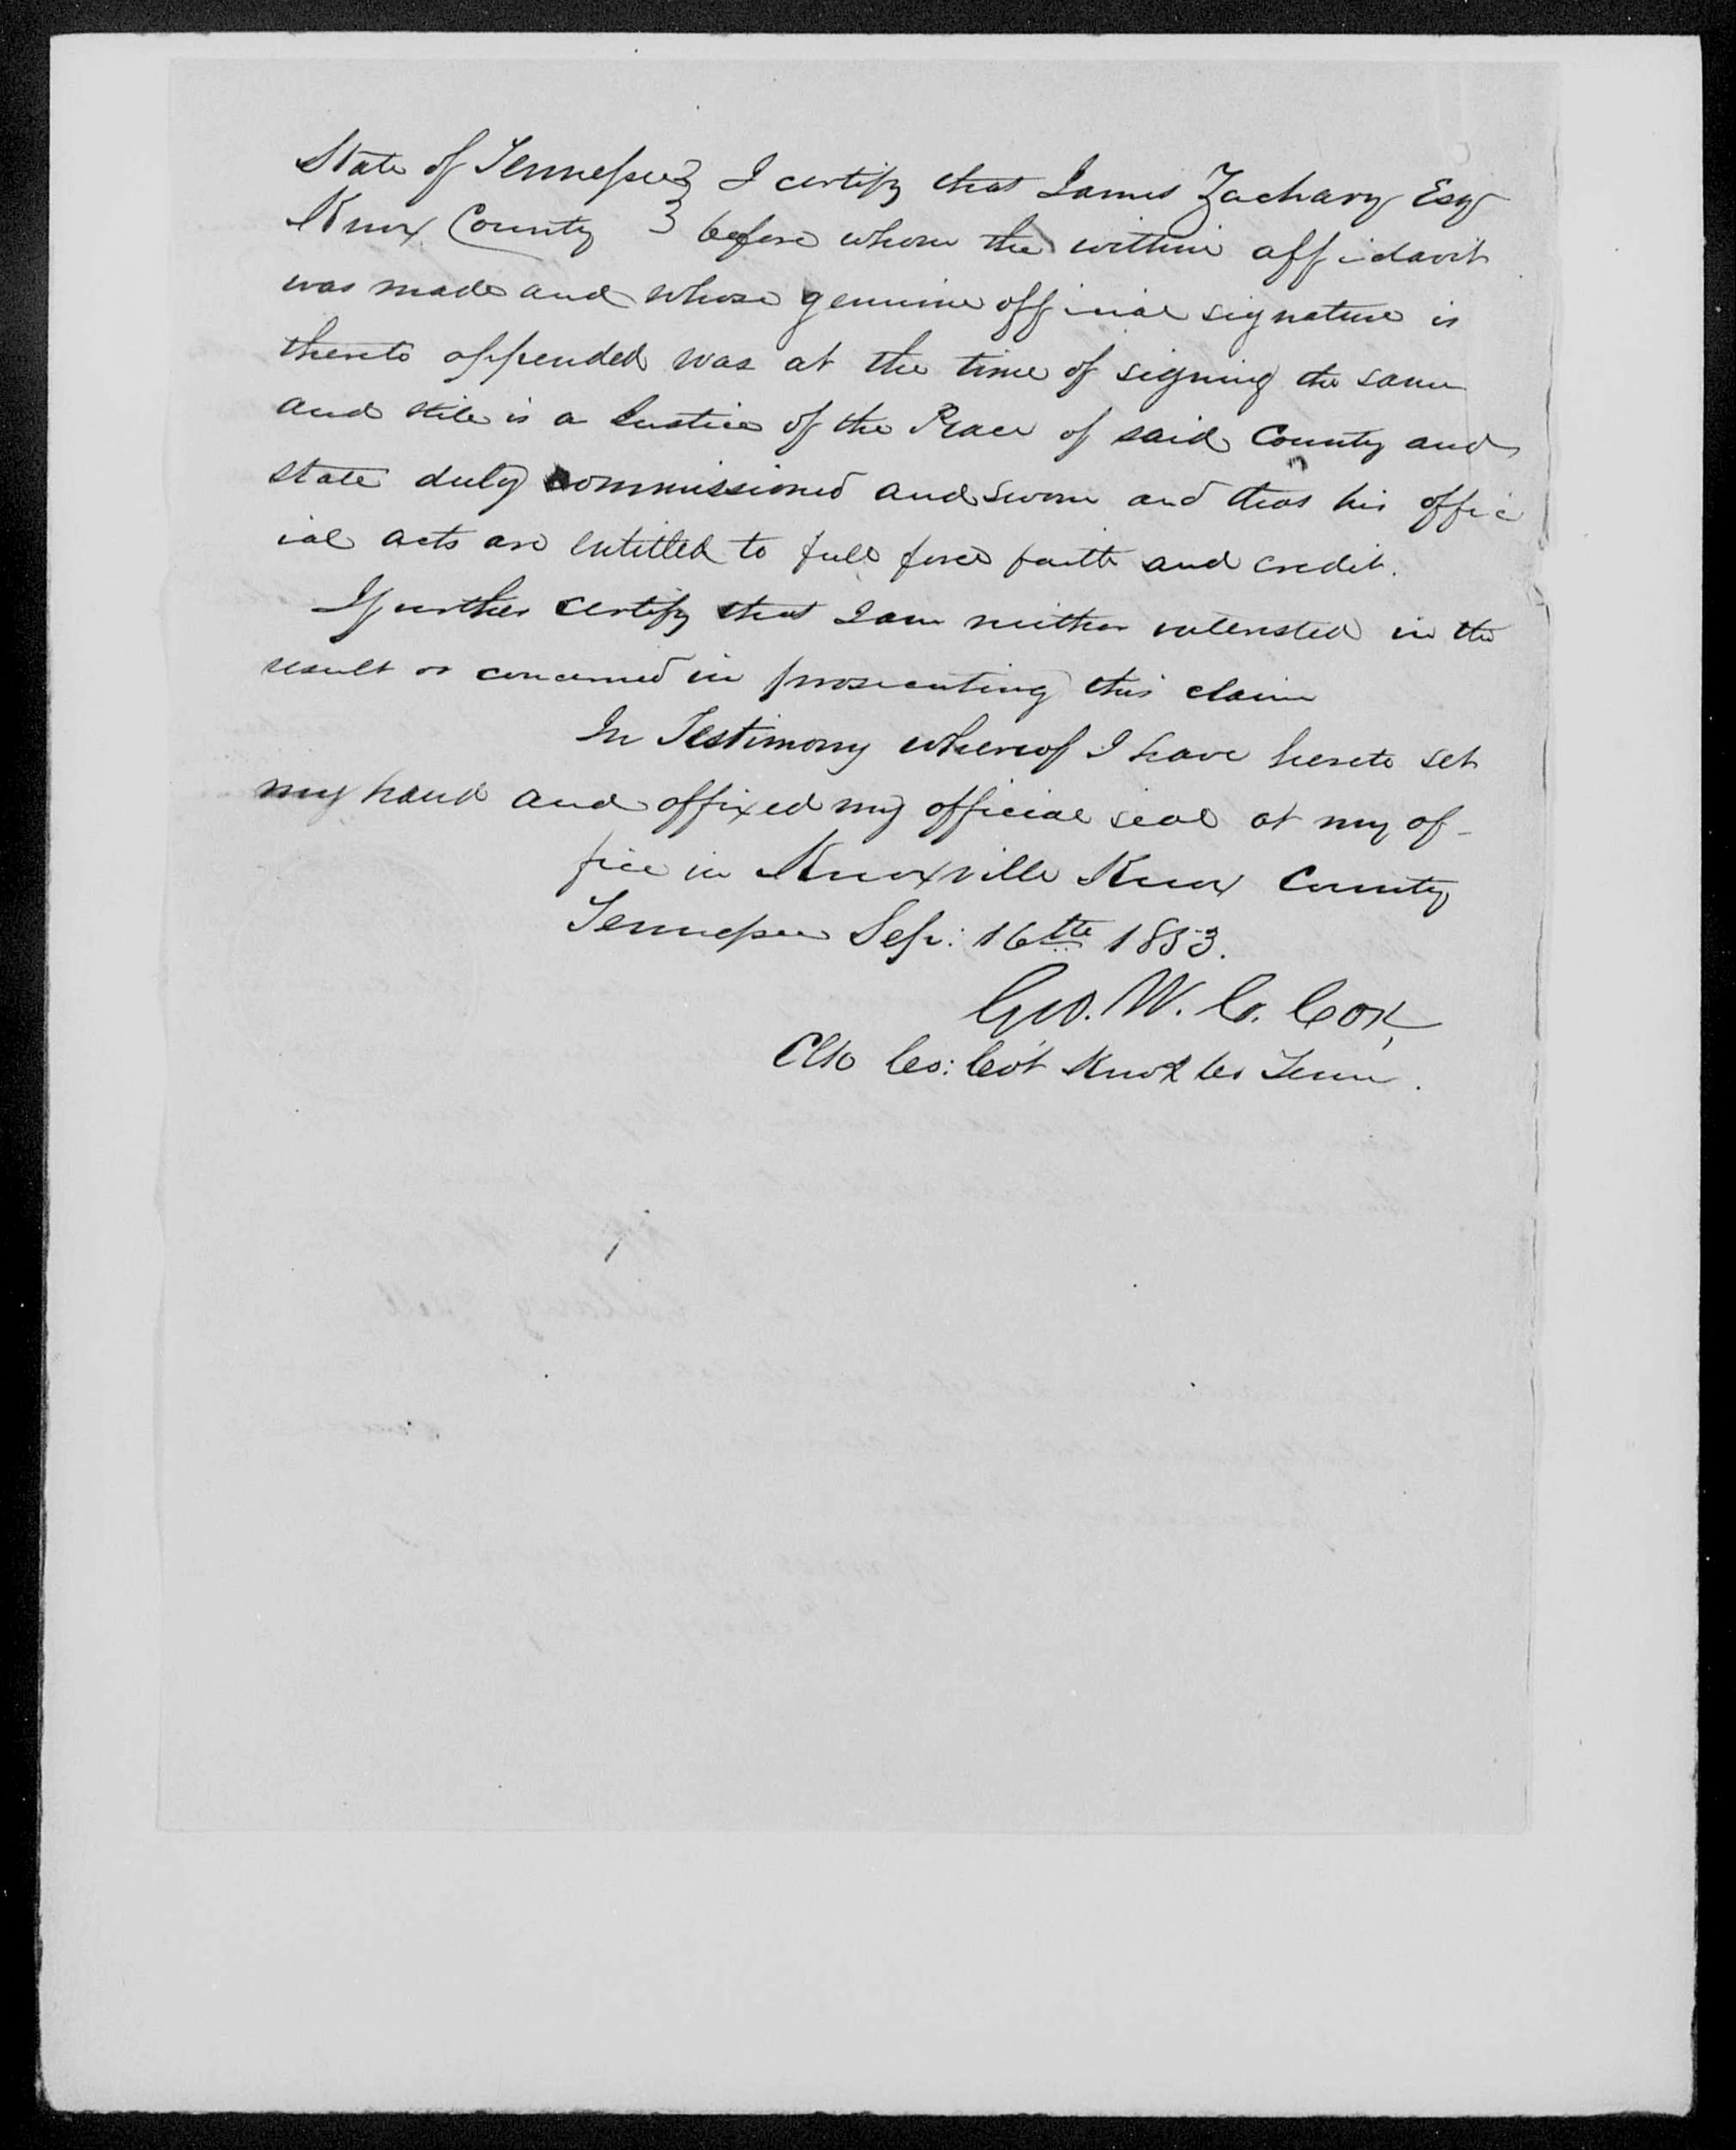State of Tennesse
Knox County
I certify that James Zachary Esq before whom the within affidavit was made and whose genuine official signature is thereto appended was at the time of signing the same and still is a Justice of the Peace of said County and State duly commissioned and sworn and that his official acts are entitled to full force faith and credit.
I further certify that I am neither interested in the
result or concerned in prosecuting this claim
In Testimony whereof I have hereto set my hand and affixed my official seal at my office in Knoxville Knox County Tennessee Sep. 16th 1833
Geo. W. C. Cox
Clk Co. Cot. Knoxville Tenn.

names: James Zachary, Geo W C Cox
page: 14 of 86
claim: widow's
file: W. 1035, John Hubbs, S.C.